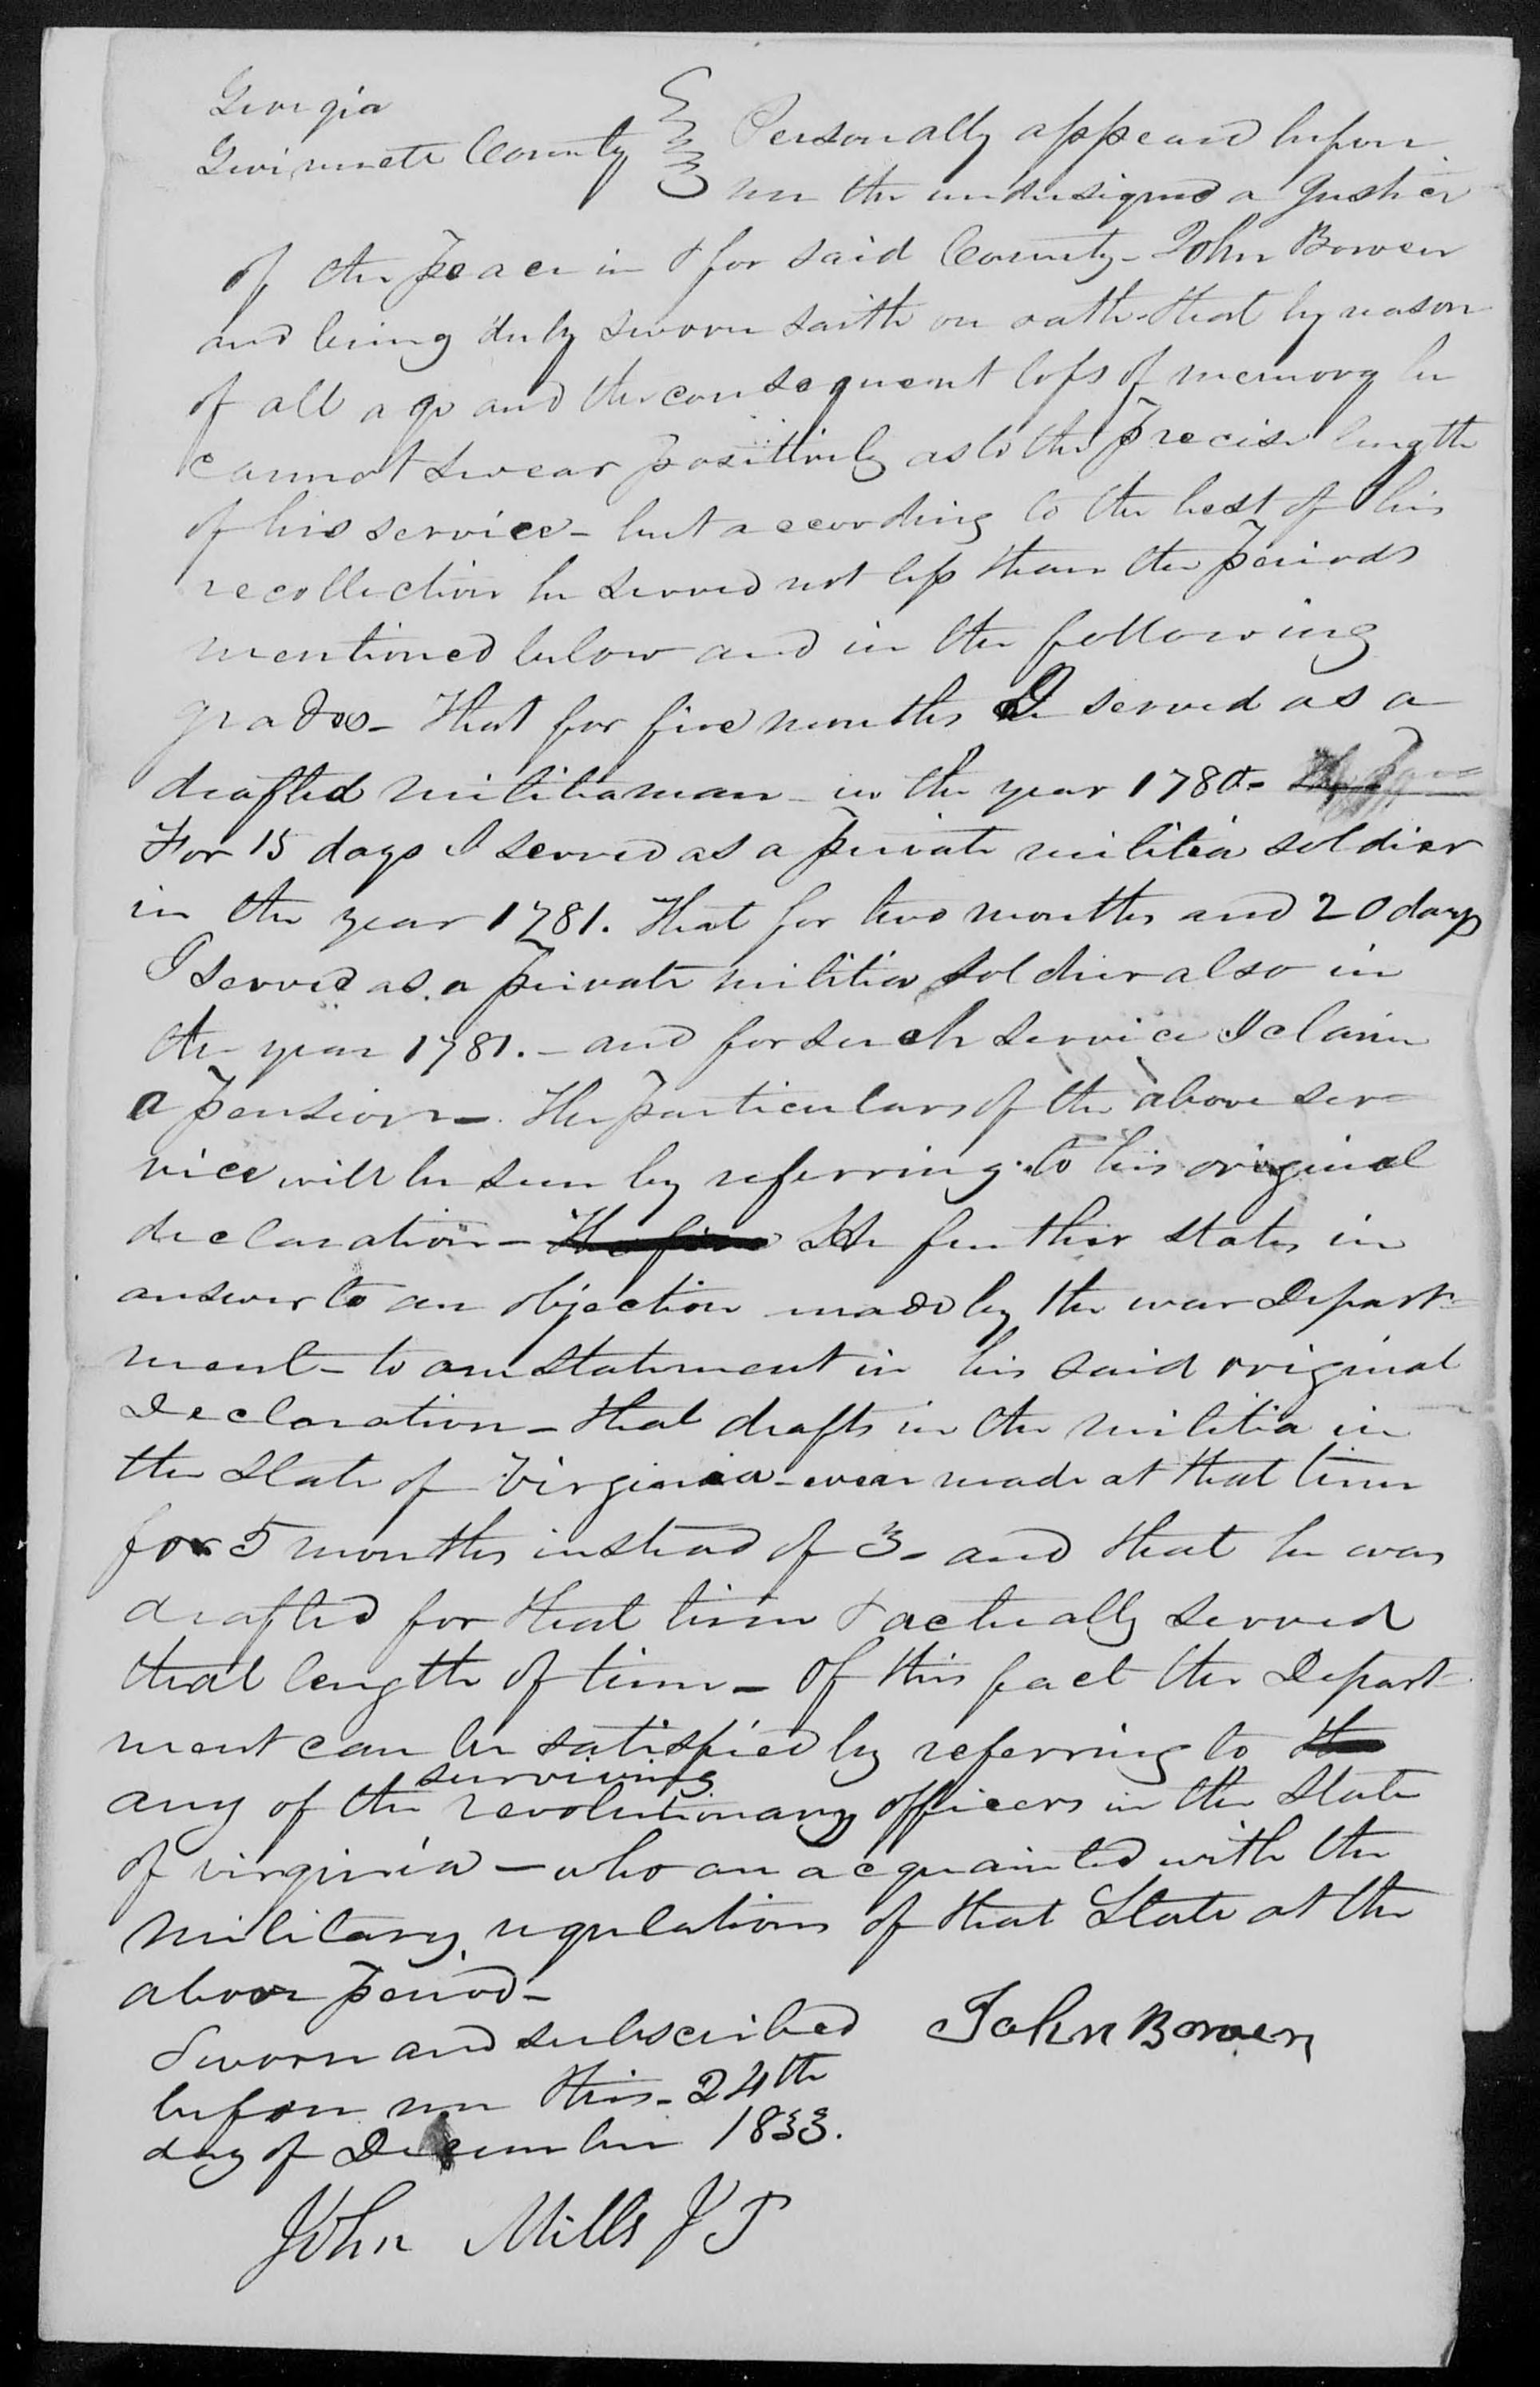Georgia
Gwinnette County
Personally appeared before me the undersigned a Justice of the Peace in & for said County John Bowen and being duly sworn saith on oath that by reason of old age and the consequent loss of memory he cannot swear positively as to the precise length of his service.  but according to the best of his recollection he served not less than the periods mentioned below and the following grades.  That for five months I served as a drafted militiaman in the year 1780.  For 15 days I served as a private militia soldier in the year 1781. That for two months and 20 days I served as a private militia soldier in the year 1781.- and for such service I claim a pension.  The particulars of the above services will be seen by referring to his original declaration.  He further states in answer to an objection made by the the war department to our statement in his said original Declaration_ that drafts in the militia in the State of Virginia were made at that time for 5 months instead of 3.  and that he was drafted for that time & actually served that length of time.  of this fact the Department can be satisfied by referring to any of the surviving revolutionary officers in the State of Virginia—who are acquainted with the military regulations of that State at the above period.
John Bowen

Sworn and subscribed before me this 24th day of 
December 1833. 
John Mills JP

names: John Bowen, John Mills, John Bowen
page: 7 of 20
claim: survivor's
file: S. 32,124, John Bowen, Va.